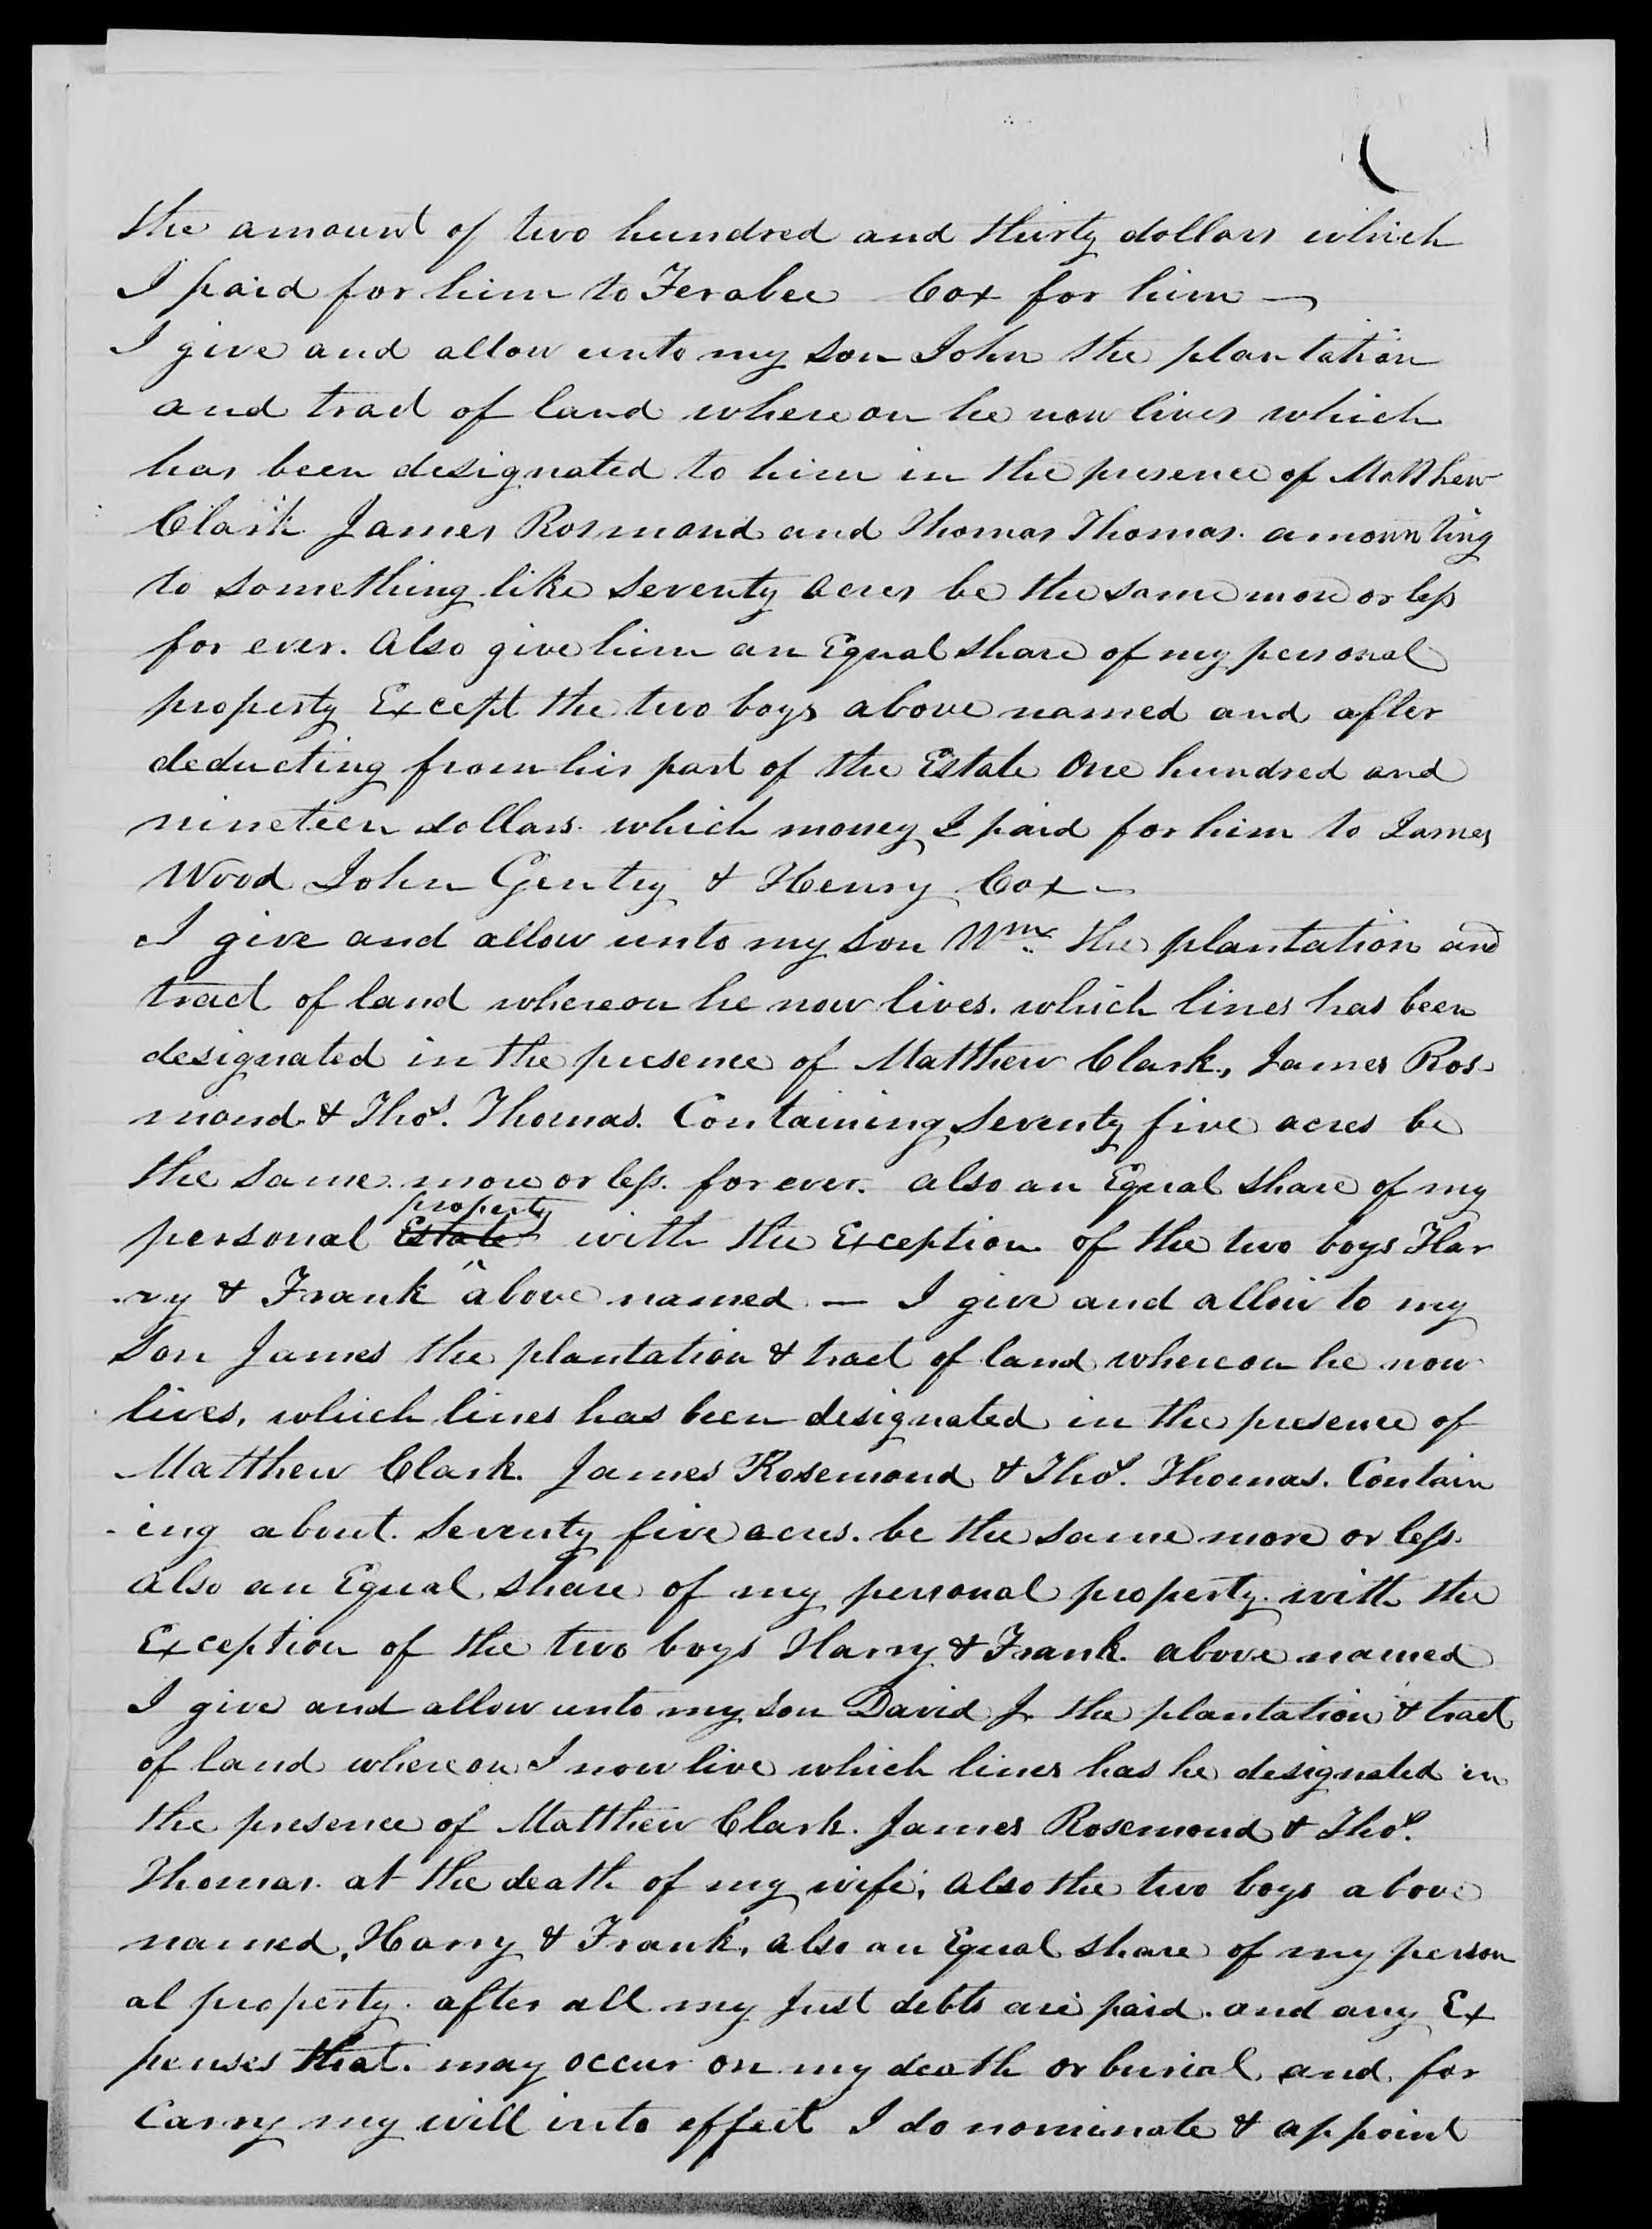the amount of two hundred and thirty dollars which I paid for him to Ferabee Cox for him- I give and allow unto my son John the plantation
and tract of land whereon he now lives which has been designated to him in the presence of Matthew
Clark, James Rosmond and Thomas Thomas amounting to something like seventy acres be the same more or less for ever. Also give him an Equal share of my personal property Except the two boys above named and after
deducting from his part of the Estate one hundred and nineteen dollars which money I paid for him to James
Wood, John Gentry & Henry Cox -
I give and allow unto my son Wm the plantation and tract of land whereon he now lives, which lines has been
designated in the presence of Matthew Clark, James Rosmond & Thos Thomas Containing Seventy five acres be the same more or less forever, also an Equal share of my
personal estate with the exception of the two boys Harry & Frank above named- I give and allow to my Son James the plantation & tract of land whereon he now lives, which lines has been designated in the presence of
Matthew Clark James Rosemond & Thos Thomas Containing about seventy five acres be the same more or less also an Equal share of my personal property with the Exception of the two boys Harry & Frank above named. I give and allow unto my son David Jr the plantation & tract
of land whereon I now live which lines has he designated in the presence of Matthew Clark James Rosemond & Thos Thomas at the death of my wife, also the two boys above named, Harry & Frank, also an Equal share of my personal property, after all my just debts are paid and any Expenses that may occur on my death or burial and for Carry my will into effect I do nominate & appoint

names: John Gentry; Henry Cox; James Wood; Harry [BLANK]; Frank [BLANK]; Matthew Clark; John [BLANK]; David J [BLANK]; Ferabee Cox; Thomas Thomas; James Rosmond; Wm [BLANK]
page: 5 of 20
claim: rejected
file: R. 7407, for John Morriss, South Carolina